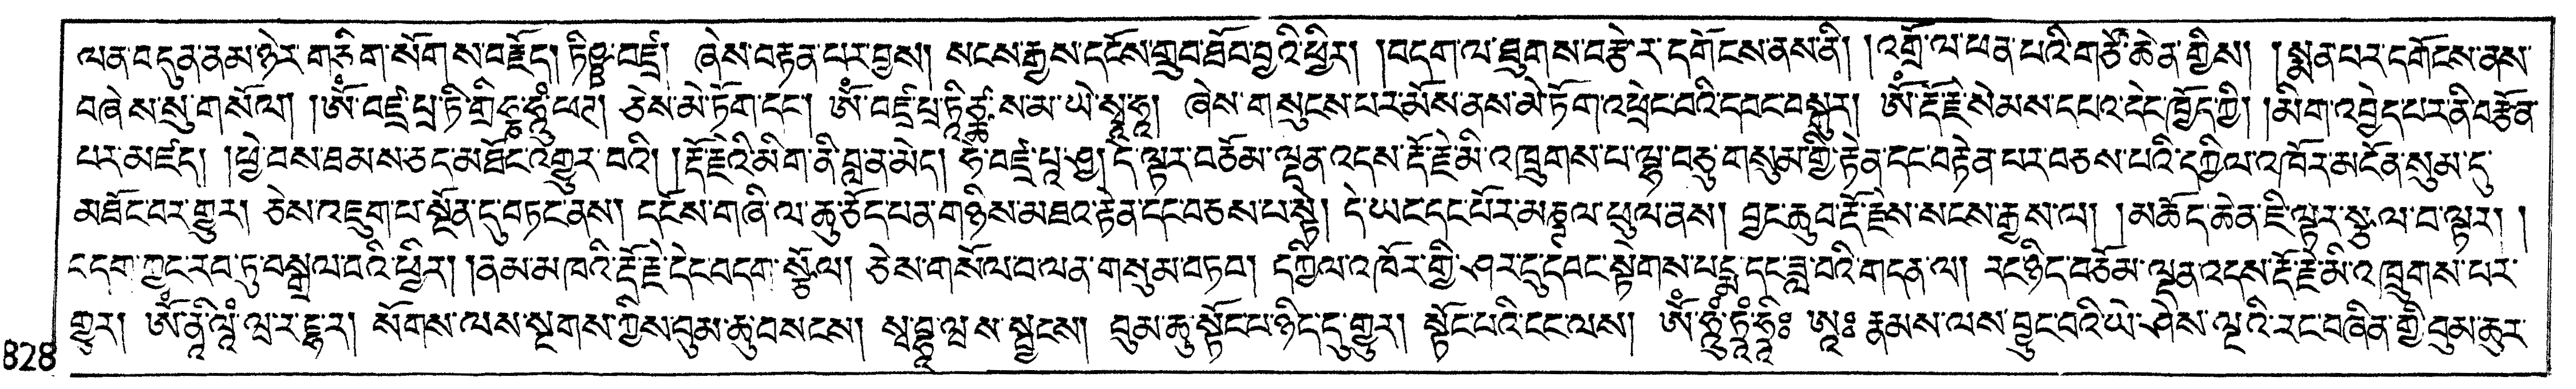ལན་བདུན་ནམ་ཉེར་གཅིག་སོགས་བརྗོད། ཏིཥཊཿཨ་བཛྲ། ཞེས་བརྟན་པར་བྱས། སངས་རྒྱས་དངོས་གྲུབ་ཐོབ་བྱའི་ཕྱིར། །བདག་ལ་ཐུགས་བརྩེར་དགོངས་ནས་ནི། །འགྲོ་ལ་ཕན་པའི་གཙོ་ཆེན་གྱིས། །སྨན་པར་དགོངས་ནས་
བཞེས་སུ་གསོལ། །ཨོཾ་བཛྲ་པྲ་ཏི་གྲི་ཧྞ་ཧཱུཾ་ཕཊ། ཅེས་མེ་ཏོག་དང་། ཨོཾ་བཛྲ་པྲ་ཏཱི་ཙྪ་ས་མ་ཡེ་སྭཱ་ཧཱ། ཞེས་གསུངས་པར་མོས་ནས་མེ་ཏོག་འཕྲེང་བའི་དབང་བསྐུར། ཨོཾ་རྡོ་རྗེ་སེམས་དཔའ་དེང་ཁྱོད་ཀྱི། །མིག་འབྱེད་པར་ནི་བརྩོན་
པར་མཛད། །ཕྱེ་བས་ཐམས་ཅད་མཐོང་འགྱུར་བའི། །རྡོ་རྗེའི་མིག་ནི་བླ་ན་མེད། ཧེ་བཛྲ་པཱ་ཤྱ། དེ་ལྟར་བཅོམ་ལྡན་འདས་རྡོ་རྗེ་མི་འཁྲུགས་པ་ལྷ་བཅུ་གསུམ་གྱི་རྟེན་དང་བརྟེན་པར་བཅས་པའི་དཀྱིལ་འཁོར་མངོན་སུམ་དུ་
མཐོང་བར་གྱུར། ཅེས་འཇུག་པ་སྔོན་དུ་བཏང་ནས། དངོས་གཞི་ལ་ཆུ་ཅོད་པན་གཉིས་མཐའ་རྟེན་དང་བཅས་པ་སྟེ། དེ་ཡང་དང་པོར་མཎྜལ་ཕུལ་ནས། བྱང་ཆུབ་རྡོ་རྗེས་སངས་རྒྱས་ལ། །མཆོད་ཆེན་ཇི་ལྟར་སྩལ་བ་ལྟར། །
བདག་ཀྱང་རབ་ཏུ་བསྒྲལ་བའི་ཕྱིར། །ནམ་མཁའི་རྡོ་རྗེ་དེང་བདག་སྩོལ། ཅེས་གསོལ་བ་ལན་གསུམ་བཏབ། དཀྱིལ་འཁོར་གྱི་ཤར་དུ་དབང་སྟེགས་པདམ་དང་ཟླ་བའི་གདན་ལ། རང་ཉིད་བཅོམ་ལྡན་འདས་རྡོ་རྗེ་མི་འཁྲུགས་པར་
གྱུར། ཨོཾ་ནཱི་ལཱཾ་ཝ་ར་དྷ་ར། སོགས་ལས་སྔགས་ཀྱིས་བུམ་ཆུ་བསངས། སྭ་བྷཱ་ཝས་སྦྱངས། བུམ་ཆུ་སྟོང་པ་ཉིད་དུ་གྱུར། སྟོང་པའི་ངང་ལས། ཨོཾ་ཧཱུཾ་ཏྲཱཾ་ཧྲཱིཿ ཨཱཿ རྣམས་ལས་བྱུང་བའི་ཡེ་ཤེས་ལྔའི་རང་བཞིན་གྱི་བུམ་ཆུར་